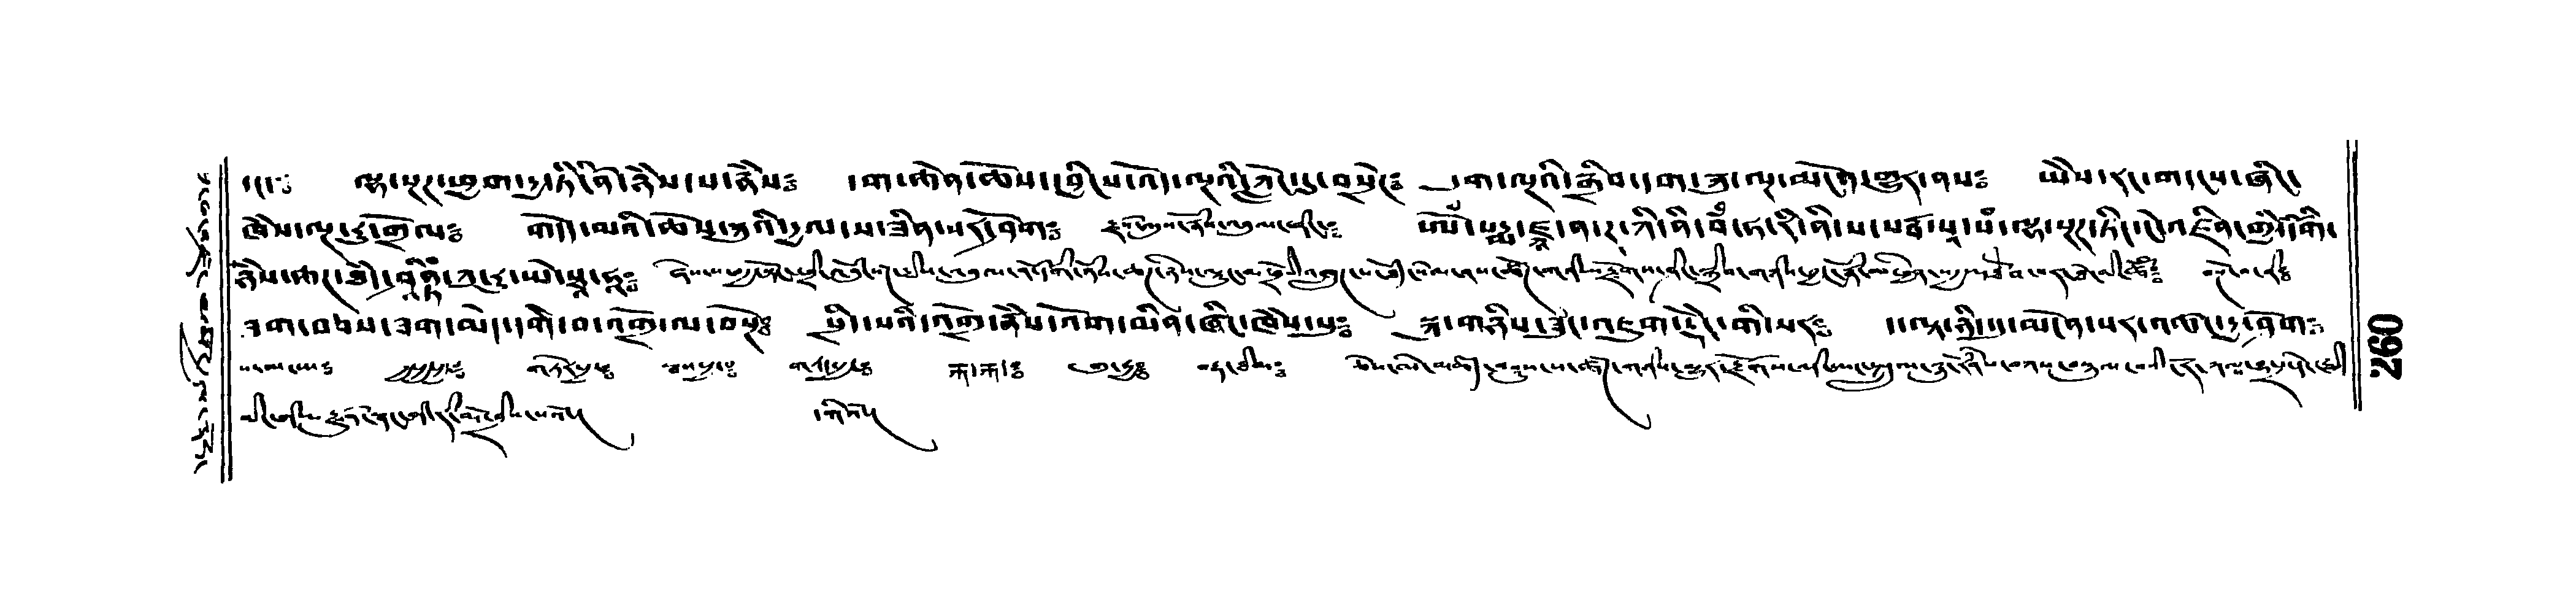དང༔ ལྷ་སྔགས་ཕྱག་རྒྱ་ཏིང་འཛིན་ཉམས་པ་རྣམས༔ དག་ཆེན་ཆོས་དབྱིངས་འོད་ལྔའི་ཀློང་དུ་བསྲེགས༔ དུག་ལྔའི་སྒྲིབ་དག་སྐུ་ལྔ་མངོན་གྱུར་ནས༔ ཡེ་ཤེས་རང་གདངས་ཞིང་
ཁམས་ལྔ་རུ་གྲོལ༔ གདོད་མའི་ཆོས་སྐུའི་རྒྱལ་ས་ཟིན་པར་ཤོག༔ རྫས་ལུས་རྣམས་འབུལ་ཞིང༔ ཨོཾ་པདྨ་ཛྙཱ་ན་ཌཱ་ཀི་ནི་བྃ་ཧ་རི་ནི་ས་སརྦ་པཱ་པཾ་ལྷ་སྔགས་ཏིང་ངེ་འཛིན་གྱི་དམ་ཚིག་
ཉམས་ཆགས་ཐམས་ཅད་ཤཱནྟིཾ་ཀུ་རུ་ཡེ་སྭཱ་ཧཱཿཞེས་པ་བརྒྱ་སྟོང་ཁྲི་འབུམ་སོགས་ཀྱིས་འབུལ་ན་དམ་ཚིག་ཉམས་ཆགས་ཉེས་ལྟུང་མཁའ་འགྲོའི་འཁྲུགས་པ་ཐམས་ཅད་སེལ་ནས་ཚོགས་གཉིས་རྫོགས་ཤིང་སྒྲིབ་གཉིས་བྱང༔ རྣམ་མཁྱེན་སངས་རྒྱས་ཐོབ་པར་ཐེ་མི་ཚོམ༔ བསྔོ་བ་ནི༔ 
ཟག་བཅས་ཟག་མེད་དགེ་བ་འགྲོ་ལ་བསྔོ༔ སྲིད་པའི་འགྲོ་རྣམས་འོག་མིན་ཞིང་ཁམས་སུ༔ སྐུ་གཉིས་ཟུང་འཇུག་རྡོ་རྗེ་འཆང་གི་སར༔ ད་ལྟ་ཉིད་དུ་མངོན་པར་འཚང་རྒྱ་ཤོག༔ 
ས་མ་ཡ༔ རྒྱ་རྒྱ་རྒྱ༔ གཏེར་རྒྱ༔ སྦས་རྒྱ༔ གཏད་རྒྱ༔ གུ་ཧྱ༔ བརྡ་ཐིམ༔ ཅེས་མེ་མཆོད་བསྡུས་པ་ཚོགས་གཉིས་མྱུར་རྫོགས་འདི་ཡང་སྤྲུལ་སྐུ་རིན་པོ་ཆེས་བཀས་བསྐུལ་བའི་ངོར་ཀལྤ་བྷ་དྲ་དེ་ཝི་མིང་གིས་རྫུན་སྣང་རི་མོ་བྲིས་པའོ།། དགེའོ།།